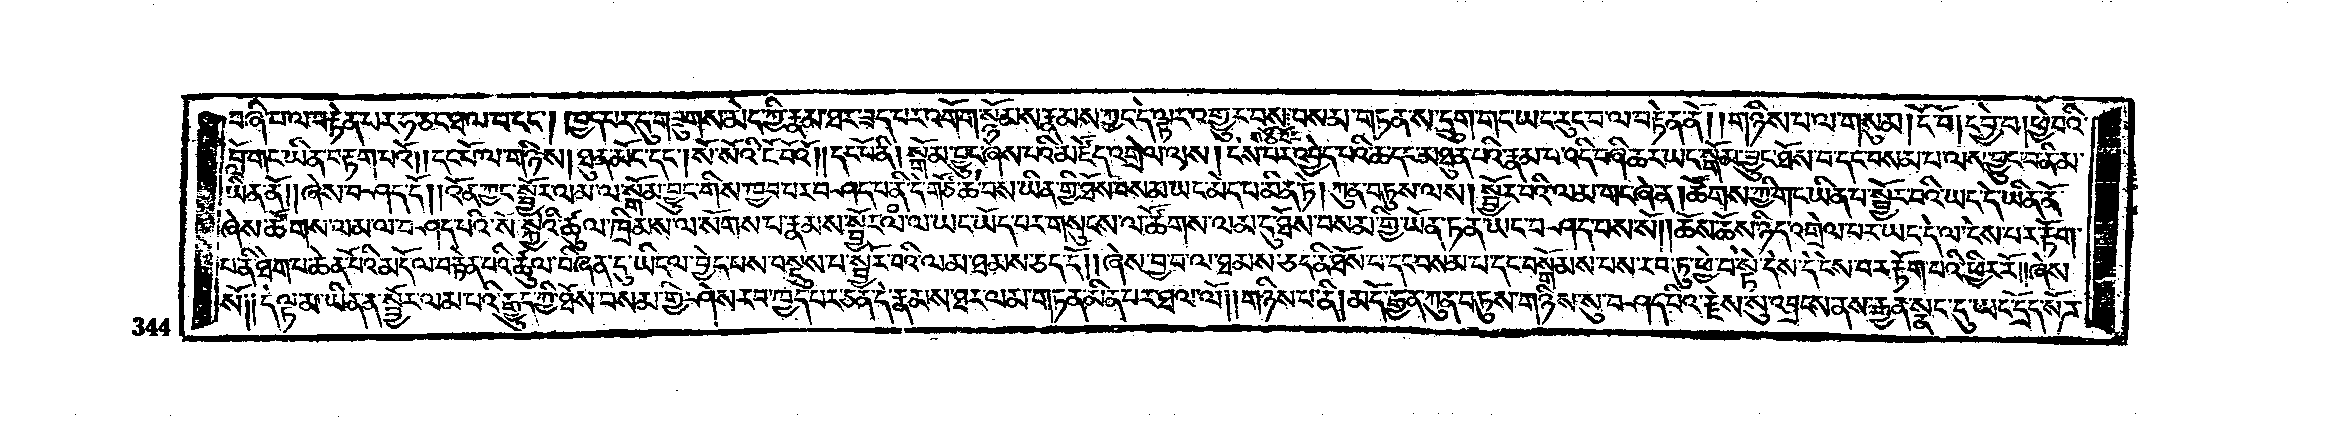བཞི་པ་ལ་བརྟེན་པར་ཧ་ཅང་ཐལ་བ་དང་། ཁྱད་པར་དུ་གཟུགས་མེད་ཀྱི་རྣམ་ཐར་ཟད་པར་འགོག་སྙོམས་རྣམས་ཀྱང་དེ་ལྟར་འགྱུར་བས་གཙོ་བོར་བསམ་གཏན་ས་དྲུག་གང་ཡང་རུང་བ་ལ་བརྟེན་ནོ། །གཉིས་པ་ལ་གསུམ། ངོ་བོ། དབྱེ་བ། ཕྱེ་བའི་
བློ་གང་ཡིན་བརྟག་པའོ། །དང་པོ་ལ་གཉིས། ཐུན་མོང་དང་། སོ་སོའི་ངོ་བོའོ། །དང་པོ་ནི། སྒོམ་བྱུང་ཞེས་པའི་མཛོད་འགྲེལ་ལས། ངེས་པར་འབྱེད་པའི་ཆ་དང་མཐུན་པའི་རྣམ་པ་འདི་བཞི་ཆར་ཡང་སྒོམ་བྱུང་ཐོས་པ་དང་བསམ་པ་ལས་བྱུང་བ་ནི་མ་
ཡིན་ནོ། །ཞེས་བཤད་དོ། །འོན་ཀྱང་སྦྱོར་ལམ་ལ་སྒོམ་བྱུང་གིས་ཁྱབ་པར་བཤད་པ་ནི་དེ་གཙོ་ཆེ་བས་ཡིན་གྱི་ཐོས་བསམ་ཡང་མེད་པ་མིན་ཏེ། ཀུན་བཏུས་ལས། སྦྱོར་བའི་ལམ་གང་ཞེ་ན། ཚོགས་ཀྱི་གང་ཡིན་པ་སྦྱོར་བའི་ཡང་དེ་ཡིན་ནོ་
ཞེས་ཚོགས་ལམ་ལ་བཤད་པའི་སོ་སྐྱེའི་ཚུལ་ཁྲིམས་ལ་སོགས་པ་རྣམས་སྦྱོར་ལམ་ལ་ཡང་ཡོད་པར་གསུངས་ལ་ཚོགས་ལམ་དུ་ཐོས་བསམ་གྱི་ཡོན་ཏན་ཡང་བཤད་པས་སོ། །ཆོས་ཆོས་ཉིད་འགྲེལ་པར་ཡང་དེ་ལ་ངེས་པར་རྟོག་
པ་ནི་ཐེག་པ་ཆེན་པོའི་མདོ་ལ་བརྟེན་པའི་ཚུལ་བཞིན་དུ་ཡིད་ལ་བྱེད་པས་བསྡུས་པ་སྦྱོར་བའི་ལམ་ཐམས་ཅད་དོ། །ཞེས་བྱ་བ་ལ་ཐམས་ཅད་ནི་ཐོས་པ་དང་བསམ་པ་དང་བསྒོམས་པས་རབ་ཏུ་ཕྱེ་བ་སྟེ་དེས་དེ་ངེས་བར་རྟོག་པའི་ཕྱིར་རོ། །ཞེས་
སོ། །དེ་ལྟ་མ་ཡིན་ན་སྦྱོར་ལམ་པའི་རྒྱུད་ཀྱི་ཐོས་བསམ་གྱི་ཤེས་རབ་ཁྱད་པར་ཅན་དེ་རྣམས་ཐར་ལམ་གཏན་མིན་པར་ཐལ་ལོ། །གཉིས་པ་ནི། མདོ་རྒྱན་ཀུན་བཏུས་གཉིས་སུ་བཤད་པའི་རྗེས་སུ་འབྲངས་ནས་རྒྱན་སྣང་དུ་ཡང་དྲོད་སོགས་